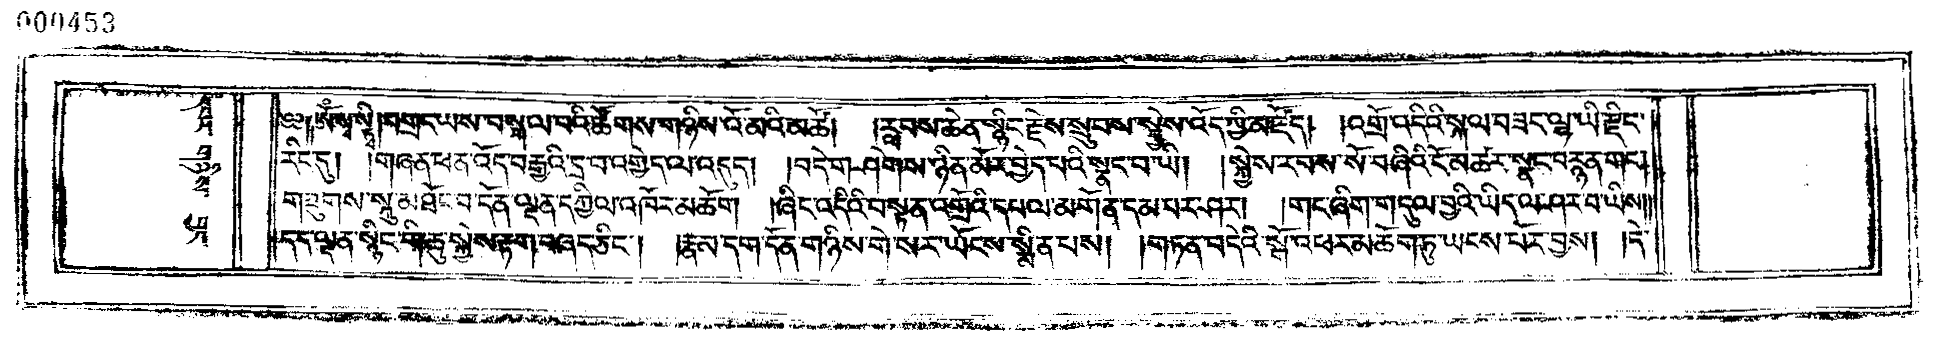༄༅། །ཨོཾ་སྭ་སྟྭི། བགྲང་ཡས་བསྐལ་བའི་ཚོགས་གཉིས་འོ་མའི་མཚོ། །རླབས་ཆེན་སྙིང་རྗེས་སྲུབས་སྐྱིས་འོད་ཀྱི་མཛོད། །འགྲོ་འདིའི་སྐལ་བཟང་ལྷ་ཡི་རྫིང་
རིང་དུ། །གཞན་ཕན་འོད་བརྒྱའི་དྲ་བ་འགྱེད་ལ་འདུད། །བདེ་གཤེགས་ཉིན་མོར་བྱེད་པའི་སྣང་བ་ཡི། །སྐྱེས་རབས་སོ་བཞིའི་ངོ་མཚར་སྣང་བརྙན་གང་།
གཟུགས་སྐུ་མཐོང་བ་དོན་ལྡན་དཀྱིལ་འཁོར་མཆོག །ཞིང་འདིའི་བསྟན་འགྲོའི་དཔལ་མགོན་དམ་པར་ཤར། །གང་ཞིག་གདུལ་བྱའི་ཡིད་ལ་ཤར་བ་ཡིས། །
དད་ལྡན་སྙིང་གི་ཆུ་སྐྱེས་རྟག་བཞད་ཅིང་། །རྣམ་དག་དོན་གཉིས་གེ་སར་ཡོངས་སྨིན་པས། །གཏན་བདེའི་སྒོ་འཕར་མཆོག་ཏུ་ཡངས་པོར་བྱས། །དེ་